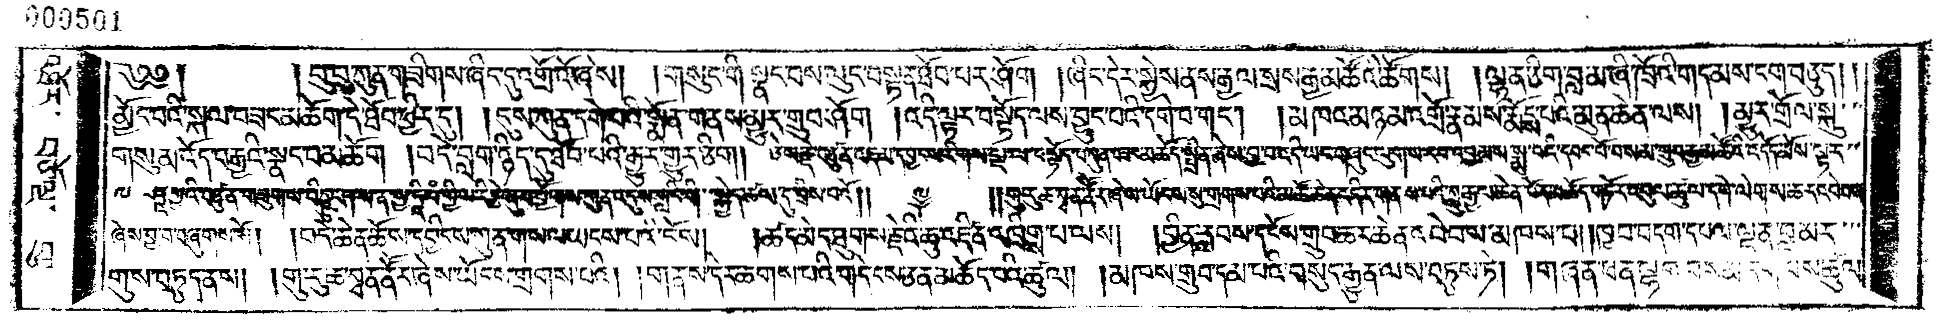༄༅། །བུ་བུ་ཀུན་གཟིགས་ཞིང་དུ་འགྲོའོ་ཞེས། །གསུང་གི་སྣང་བས་ལུང་བསྟན་ཐོབ་པར་ཤོག །ཞིང་དེར་སྐྱེས་ནས་རྒྱལ་སྲས་རྒྱ་མཚོའི་ཚོགས། །ལྷན་ཅིག་བླ་མ་ཞི་ཁྲོའི་གདམས་ངག་བཅུད། །
མྱོང་བའི་སྐལ་བཟང་མཆོག་དེ་ཐོབ་ཕྱིར་དུ། །དུས་ཀུན་དགེ་བའི་སྨོན་གནས་མྱུར་གྲུབ་ཤོག །འདི་ལྟར་བསྟོད་ལས་བྱུང་བའི་དགེ་བ་གང་། །མཁའ་མཉམ་འགྲོ་རྣམས་རྨོངས་པའི་མུན་ཆེན་ལས། །མྱུར་གྲོལ་སྐུ་
གསུམ་འོད་བརྒྱའི་སྣང་བ་མཆོག །བདེ་བླག་ཉིད་དུ་ཐོབ་པའི་རྒྱུར་གྱུར་ཅིག ། ཅེས་རྗེ་བཙུན་འཇམ་དབྱངས་རིགས་ལྔ་ལ་བསྟོད་པ་ཀུན་བཟང་མཆོད་སྤྲིན་ཞེས་བྱ་བ་འདི་ཡང་གཞུང་ལུགས་རབ་འབྱམས་སྨྲ་བའི་དབང་པོ་བསམ་གྲུབ་རྒྱ་མཚོའི་འདོད་མོས་ལྟར་
༧་ཤཱཀྱའི་བཙུན་གཟུགས་བིཀྵུ་ཤ་ས་ན་སྱ་དཱི་བཾ་གྱིས་རི་རྩེ་ནུབ་ཕྱོགས་ཀུན་འདུས་གླིང་གི་སྐྱེད་ཚལ་དུ་བྲིས་པའོ།། ༈ །།གུ་རུ་ཆ་ཀྭན་ནཽར་ཞེས་ཡོངས་སུ་གྲགས་པའི་མཚོ་ཆེན་འདིར་གནས་པའི་ཀླུ་རྒྱལ་ཆེན་པོར་མཆོད་གཏོར་འབུལ་ཚུལ་དགེ་ལེགས་ཆར་འབེབས་
ཞེས་བྱ་བ་བཞུགས་སོ། །བདེ་ཆེན་ཆོས་དབྱིངས་ཀུན་གསལ་ཡངས་པའི་ངོས། །ཚད་མེད་ཐུགས་རྗེའི་ཆུ་འཛིན་འཁྲིགས་པ་ལས། །བྱིན་རླབས་དངོས་གྲུབ་ཆར་ཆེན་འབེབས་མཁས་པ། །ཁྱབ་བདག་དཔལ་ལྡན་བླ་མར་
གུས་བཏུད་ནས། །གུ་རུ་ཆ་ཀྭན་ནཽར་ཞེས་ཡོངས་གྲགས་པའི། །གནས་དེར་ཆགས་པའི་གདེངས་ཅན་མཆོད་པའི་ཚུལ། །མཁས་གྲུབ་དམ་པའི་གསུང་རྒྱུན་ལས་བཏུས་ཏེ། །གཞན་ཕན་ལྷག་བསམ་དག་པས་ཚུལ་